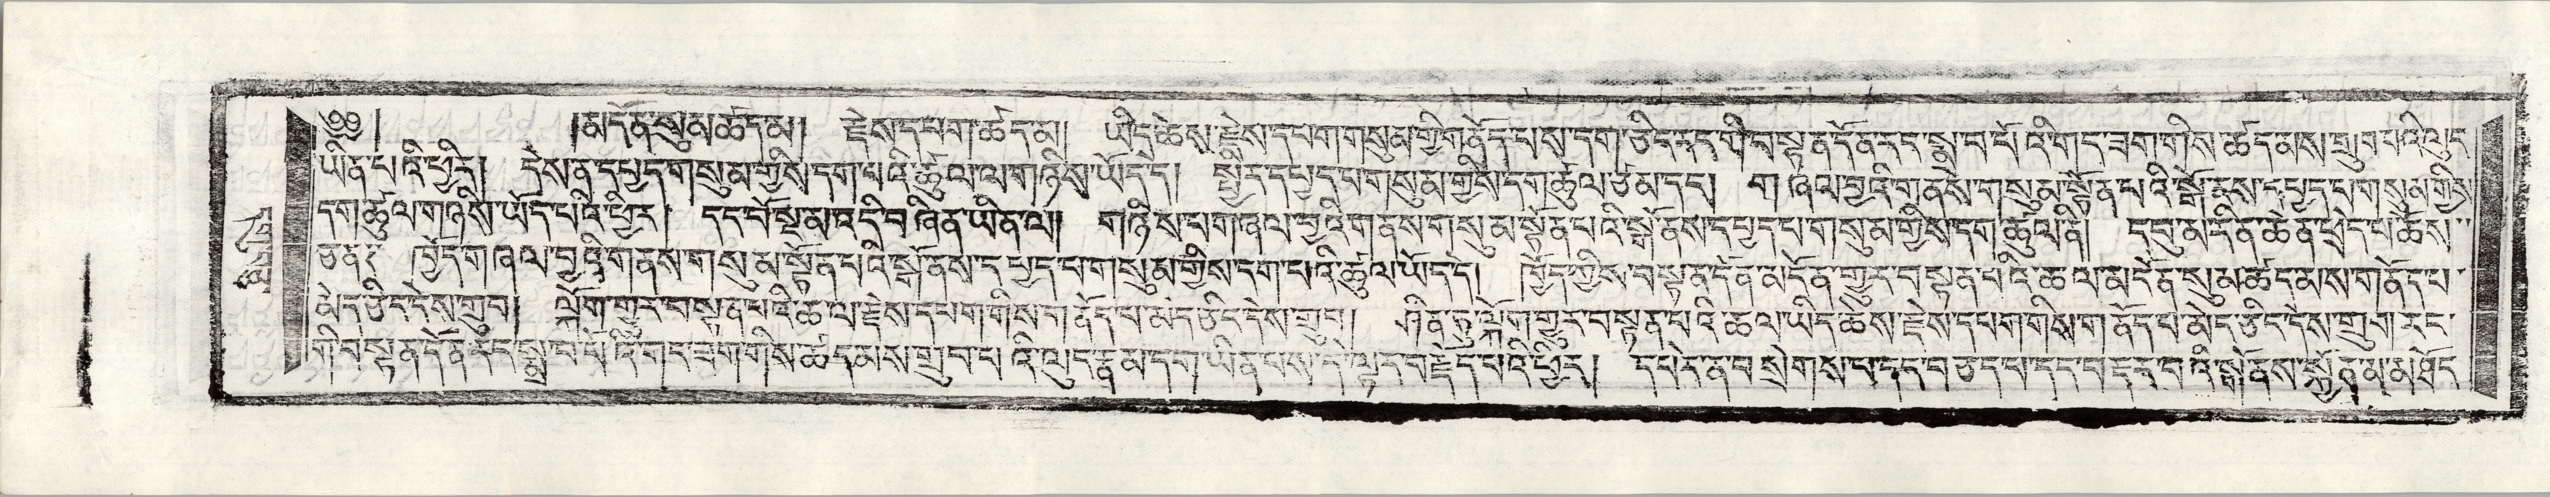༄༅། །མངོན་སུམ་ཚད་མ། རྗེས་དཔག་ཚད་མ། ཡིད་ཆེས་རྗེས་དཔག་གསུམ་གྱི་གནོད་པས་དག་ཅིང་རང་གི་བསྟན་དོན་རང་སྨྲ་བ་བོའི་གང་ཟག་གིས་ཚད་མས་གྲུབ་པའི་ལུང་
ཡིན་པའི་ཕྱིར། དེས་ན་དཔྱད་གསུམ་གྱིས་དག་པའི་ཚུལ་ལ་གཉིས་ཡོད་དེ། སྤྱིར་དཔྱད་པ་གསུམ་གྱིས་དག་ཚུལ་ཙམ་དང་། གཞལ་བྱའི་གནས་གསུམ་སྟོན་པའི་སྒོ་ནས་དཔྱད་པ་གསུམ་གྱིས་
དག་ཚུལ་གཉིས་ཡོད་པའི་ཕྱིར། དང་པོ་སྔ་མ་འདི་བཞིན་ཡིན་ལ། གཉིས་པ་གཞལ་བྱའི་གནས་གསུམ་སྟོན་པའི་སྒོ་ནས་དཔྱད་པ་གསུམ་གྱིས་དག་ཚུལ་ནི། དབུ་མ་རིན་ཆེན་ཕྲེང་བ་ཆོས་
ཅན། ཁྱོད་གཞལ་བྱའི་གནས་གསུམ་སྟོན་པའི་སྒོ་ནས་དཔྱད་པ་གསུམ་གྱིས་དག་པའི་ཚུལ་ཡོད་དེ། ཁྱོད་ཀྱིས་བསྟན་དོན་མངོན་གྱུར་བསྟན་པའི་ཆ་ལ་མངོན་སུམ་ཚད་མས་གནོད་པ་
མེད་ཅིང་དེས་གྲུབ། ལྐོག་གྱུར་བསྟན་པའི་ཆ་ལ་རྗེས་དཔག་གིས་གནོད་པ་མེད་ཅིང་དེས་གྲུབ། ཤིན་ཏུ་ལྐོག་གྱུར་བསྟན་པའི་ཆ་ལ་ཡིད་ཆེས་རྗེས་དཔག་གིས་གནོད་པ་མེད་ཅིང་དེས་གྲུབ། རང་
གི་བསྟན་དོན་རང་སྨྲ་བ་བོའི་གང་ཟག་གིས་ཚད་མས་གྲུབ་པའི་ལུང་རྣམ་དག་ཡིན་པས་དེ་ལྟར་བརྗོད་པའི་ཕྱིར། དཔེར་ན། བསྲེགས་པ་དང་བཅད་པ་དང་བརྡར་བའི་སྒོ་ནས་སྐྱོན་མ་མཐོང་